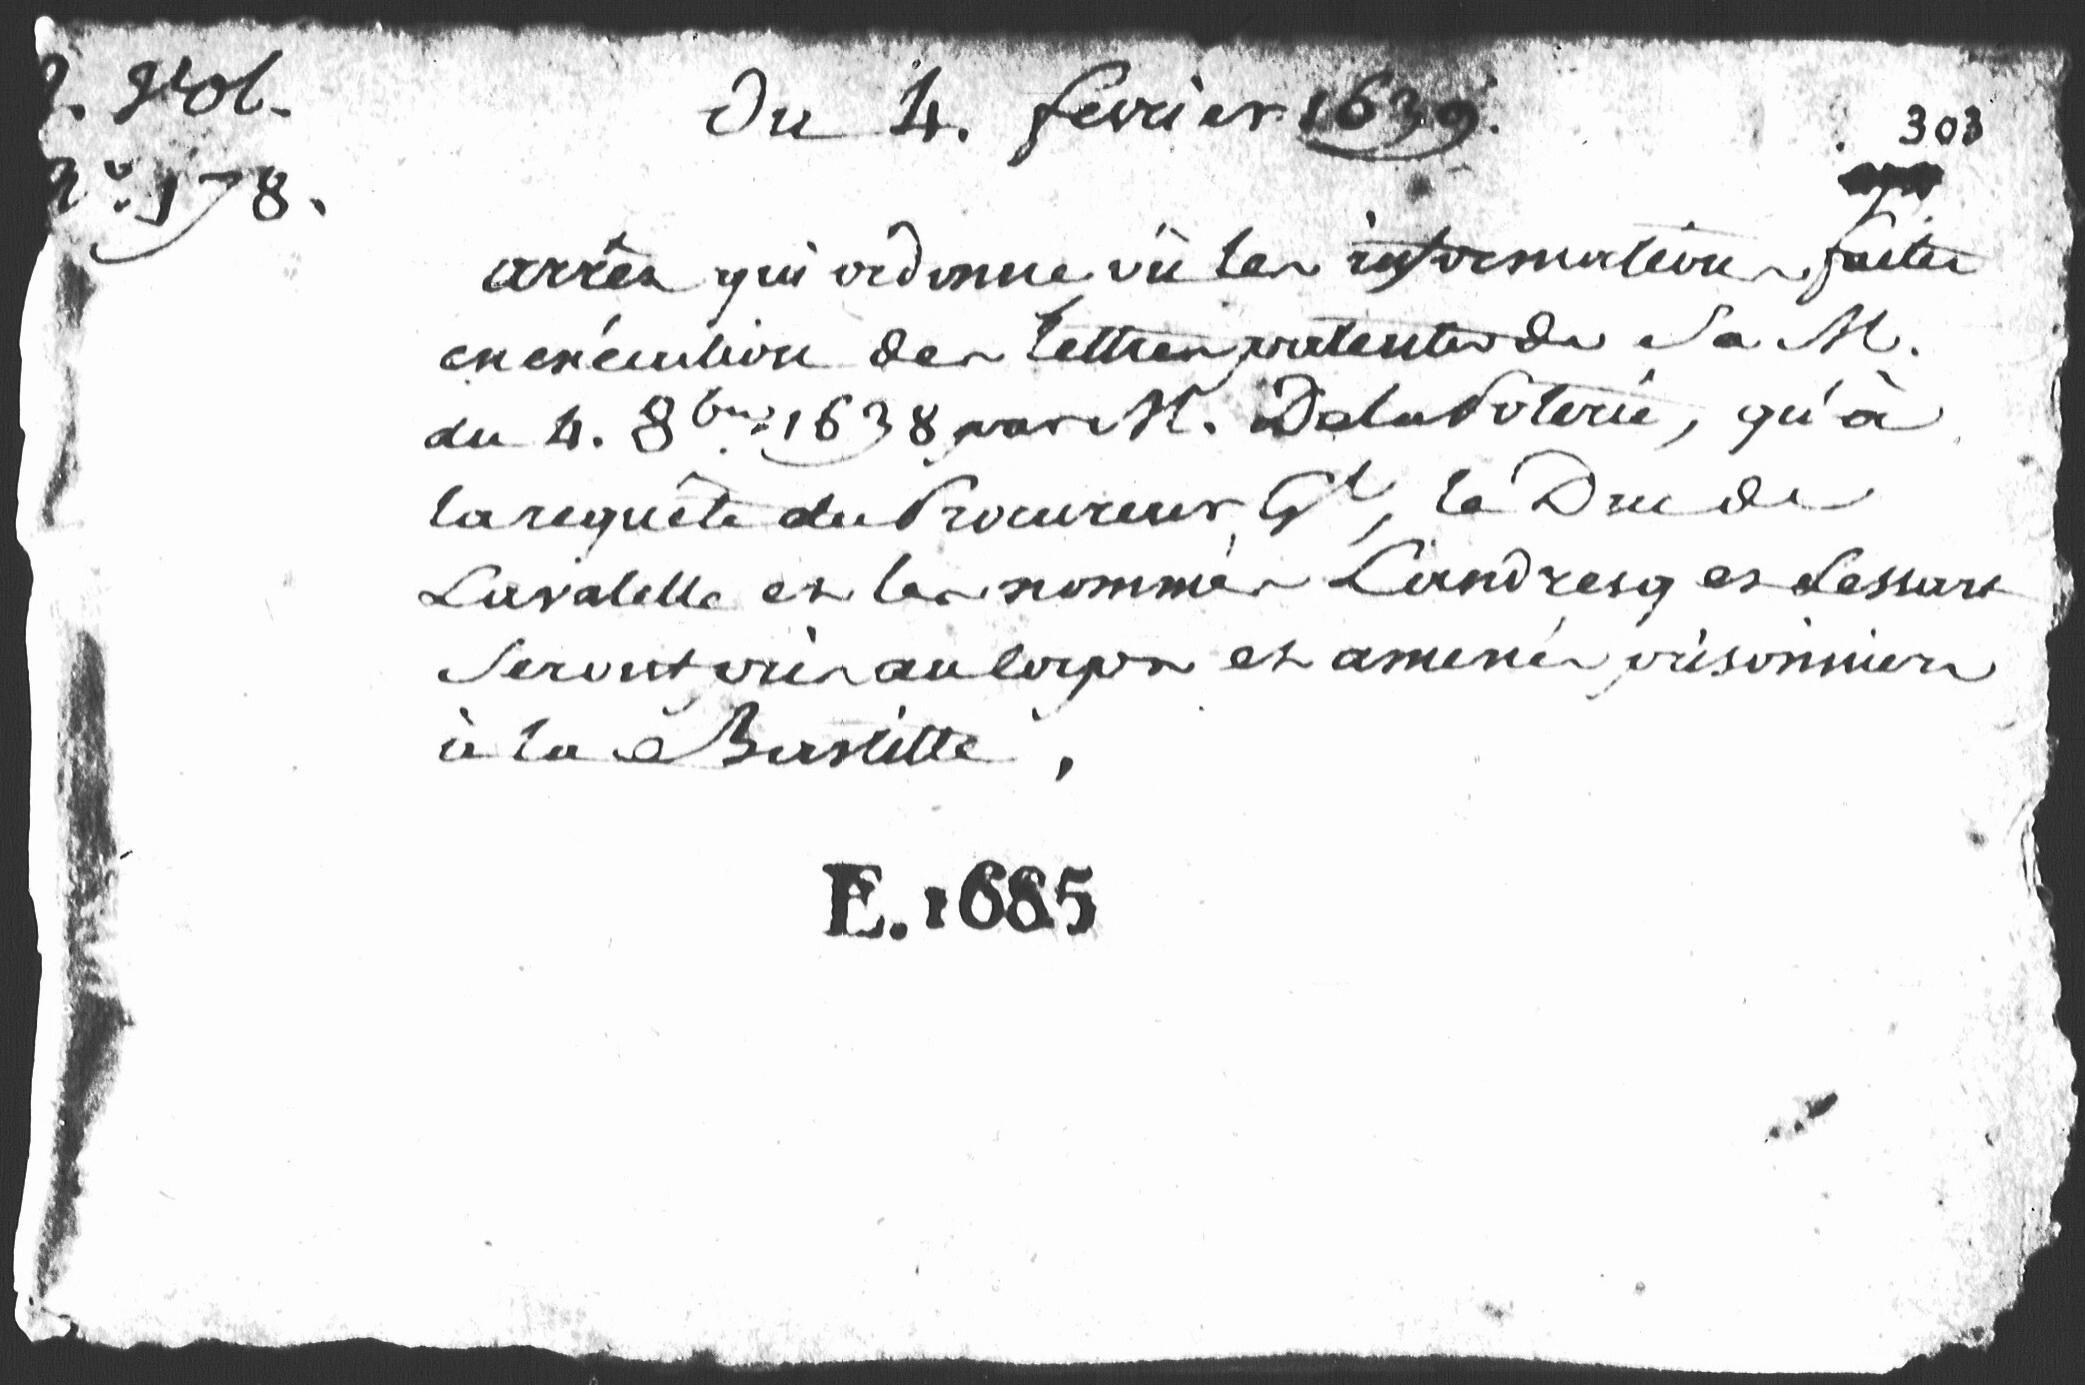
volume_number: n°178
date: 4 février 1639
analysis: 303 [chiffres ? barrés]
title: arrêt qui ordonne vû les informations faites en exécution des lettres patentes de Sa M. du 4. 8.bre 1638 par M. de La Poterie, qu'à la requête du Procureur Gl, le Duc de Lavalette et les nommés Landresq et Lessart seront pris au corps et amenés prisonniers à la Bastille.
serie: E
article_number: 1685
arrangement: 2. vol.
